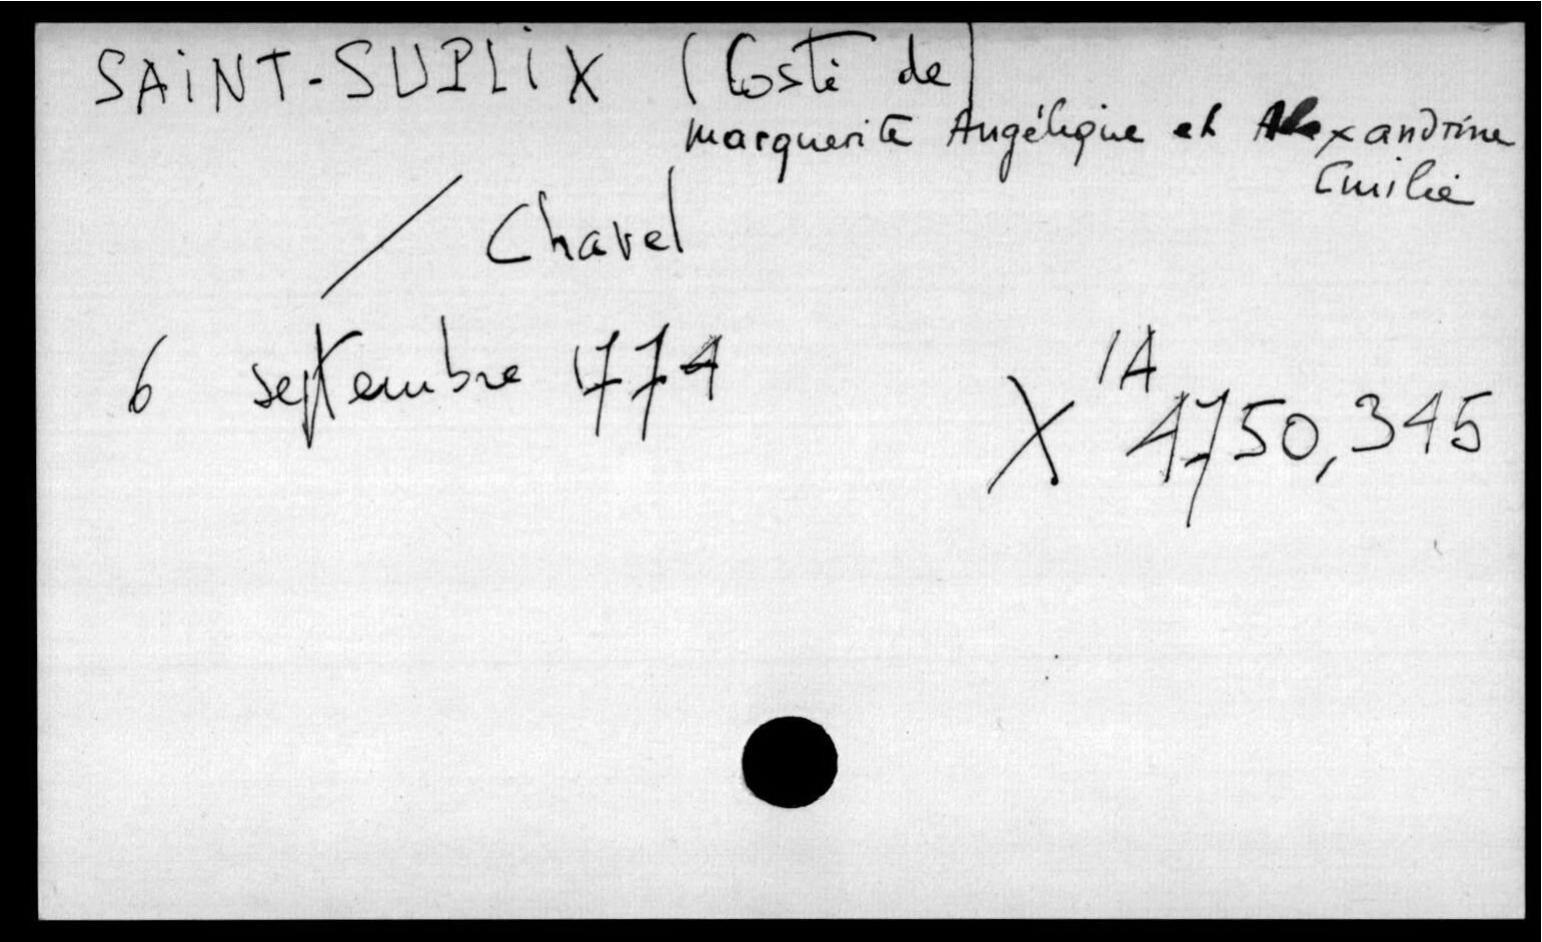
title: SAINT-SUPLIX (Coste de) marguerite Angélique et Alexandrine Emilie
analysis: Contre Chavel
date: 6 septembre 1774
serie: X1A
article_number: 4750
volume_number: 345
